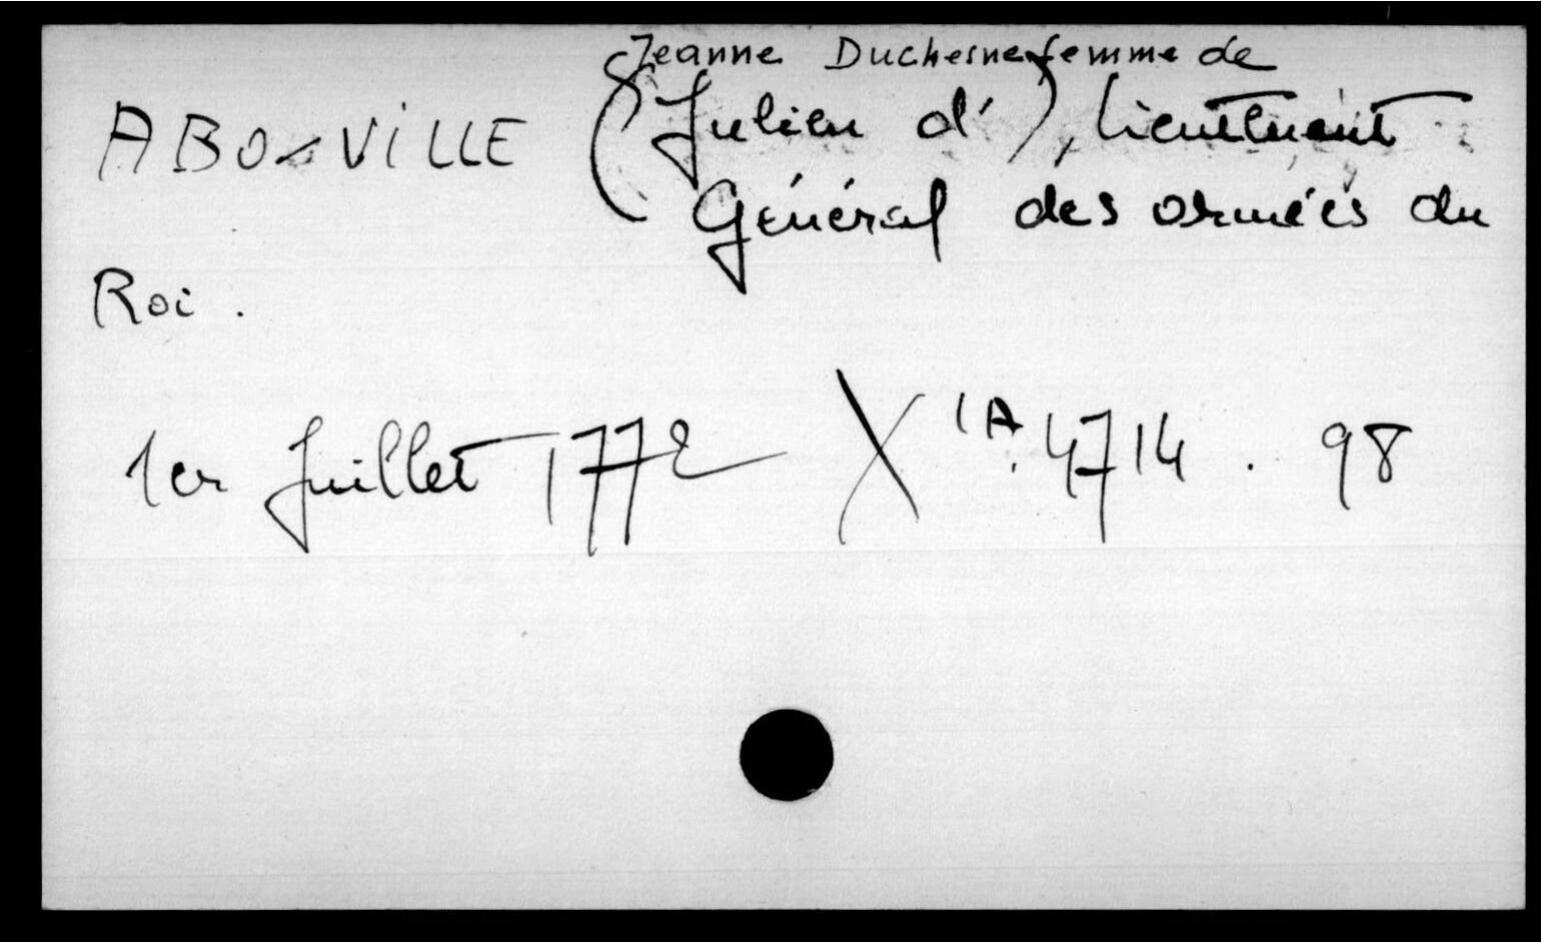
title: ABOVILLE (Jeanne Duchesne, femme de Julien d') lieutenant général des armées du Roi
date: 1er juillet 1772
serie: X1A
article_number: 4714
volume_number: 98
